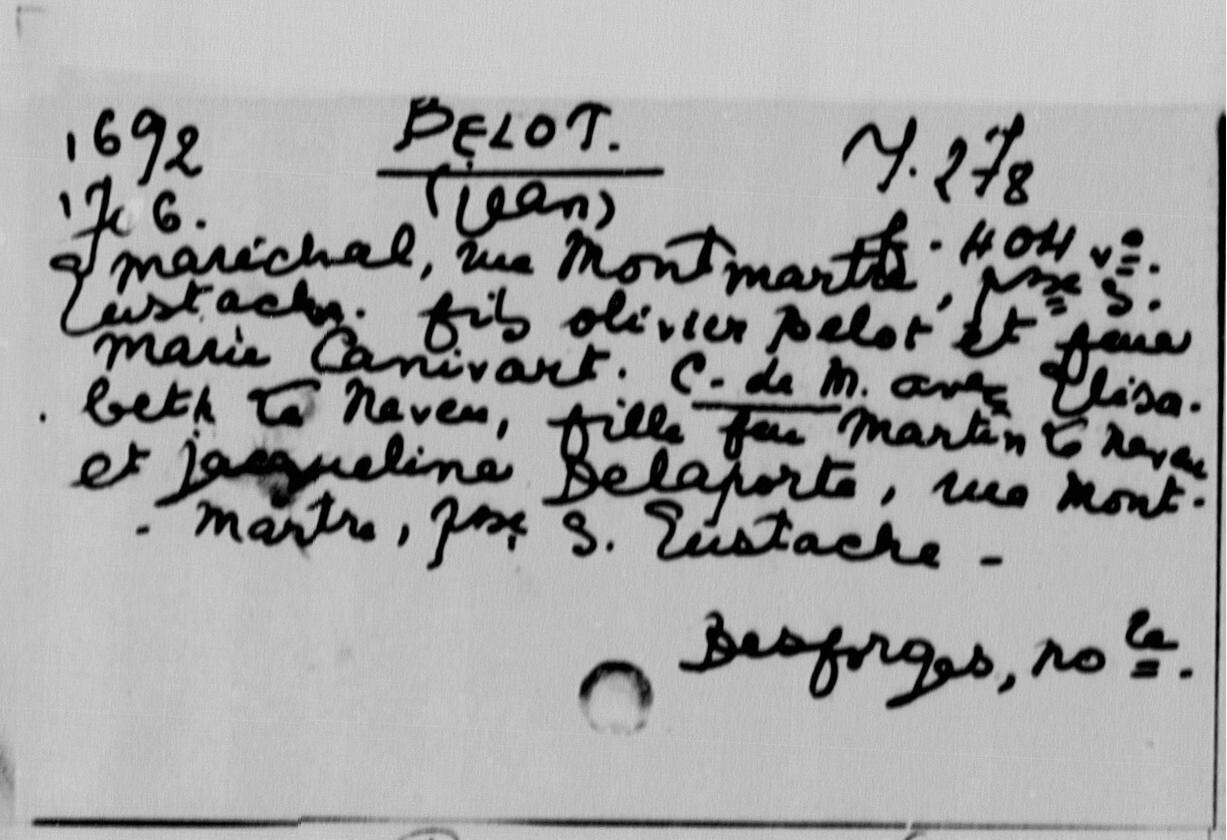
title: BELOT (Jean)
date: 1692-1706
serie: Y
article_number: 278
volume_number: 404v
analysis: Maréchal, rue Montmartre, paroisse Saint-Eustache. Fils Olivier Belot et feue Marie Canivart. Contrat de mariage avec Elisabeth Le Neveu, fille feu Martin Le Neveu et Jacqueline Delaporte, rue Montmartre, paroisse Saint-Eustache. Desforges, notaire.
